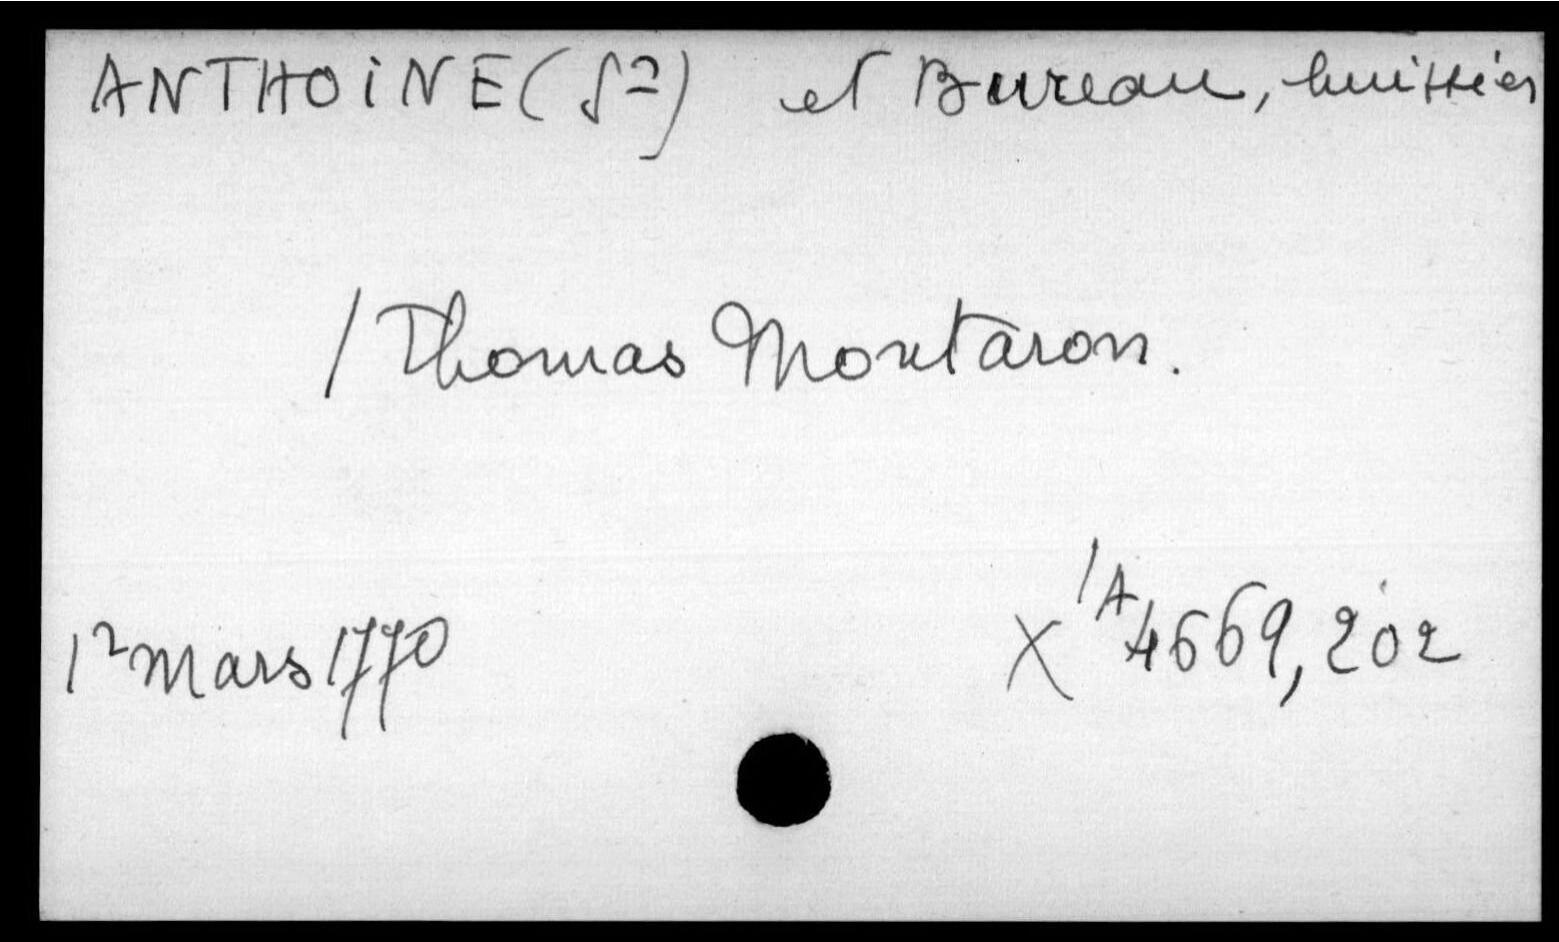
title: ANTHOINE (Sieur) et Bureau, huissier
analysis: Contre Thomas Montaron
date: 12 mars 1770
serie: X1A
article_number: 4669
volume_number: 202
